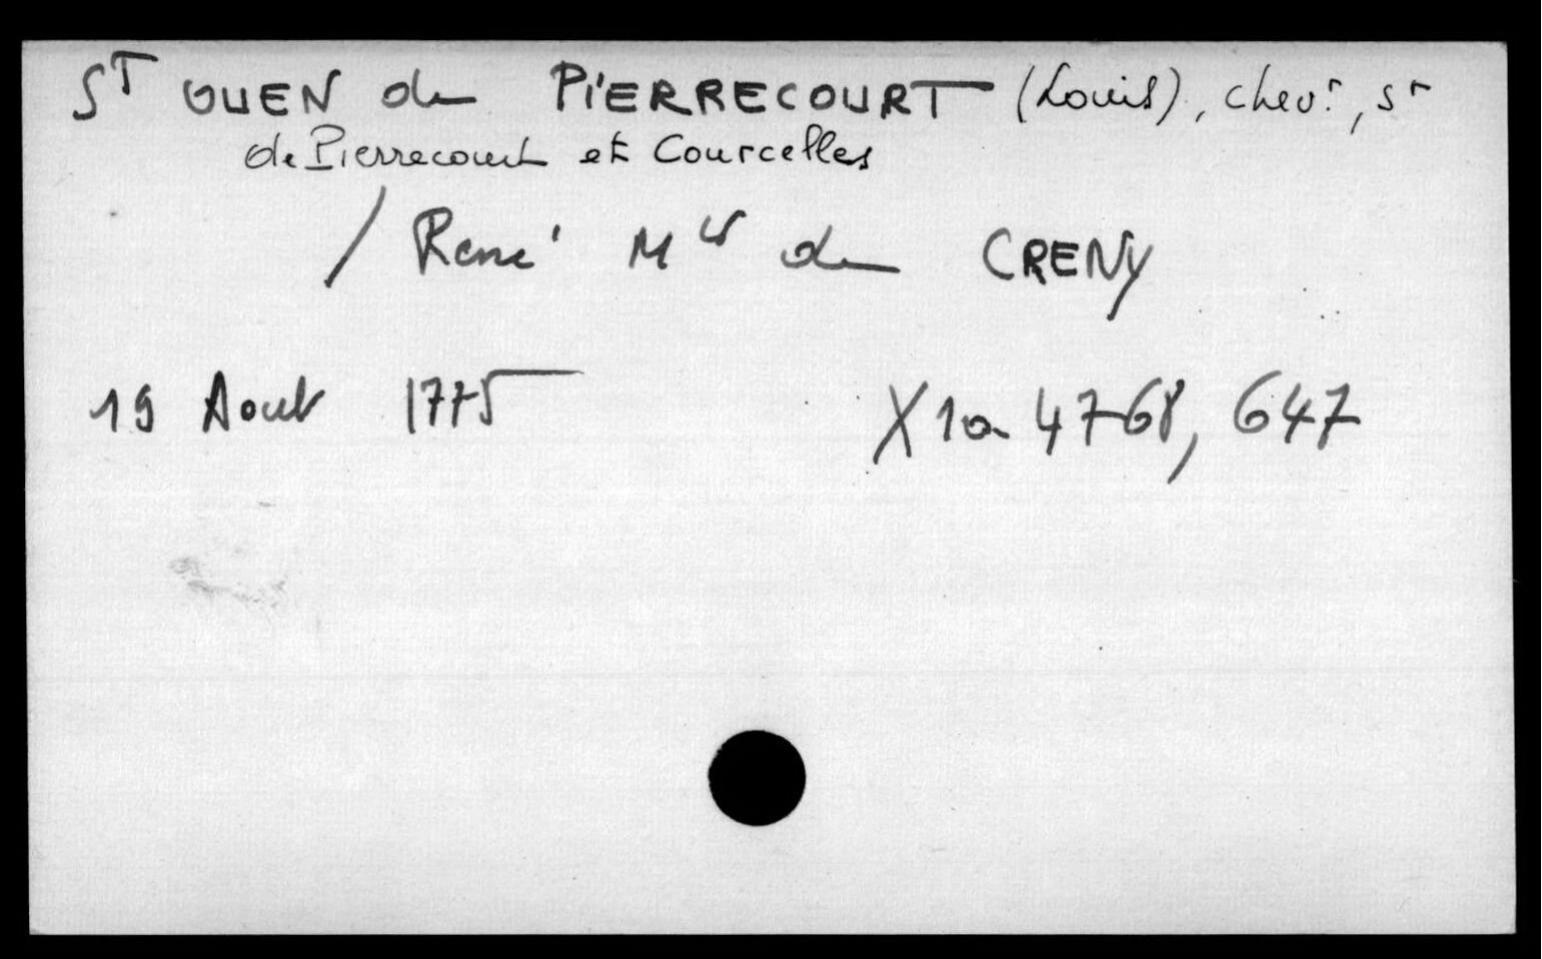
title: SAINT OUEN de PIERRECOURT (Louis), chevalier , sieur de Pierrecourt et courcelles
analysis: Contre René Marquis de CRENY
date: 19 août 1775
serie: X1a
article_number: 4768
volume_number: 647
